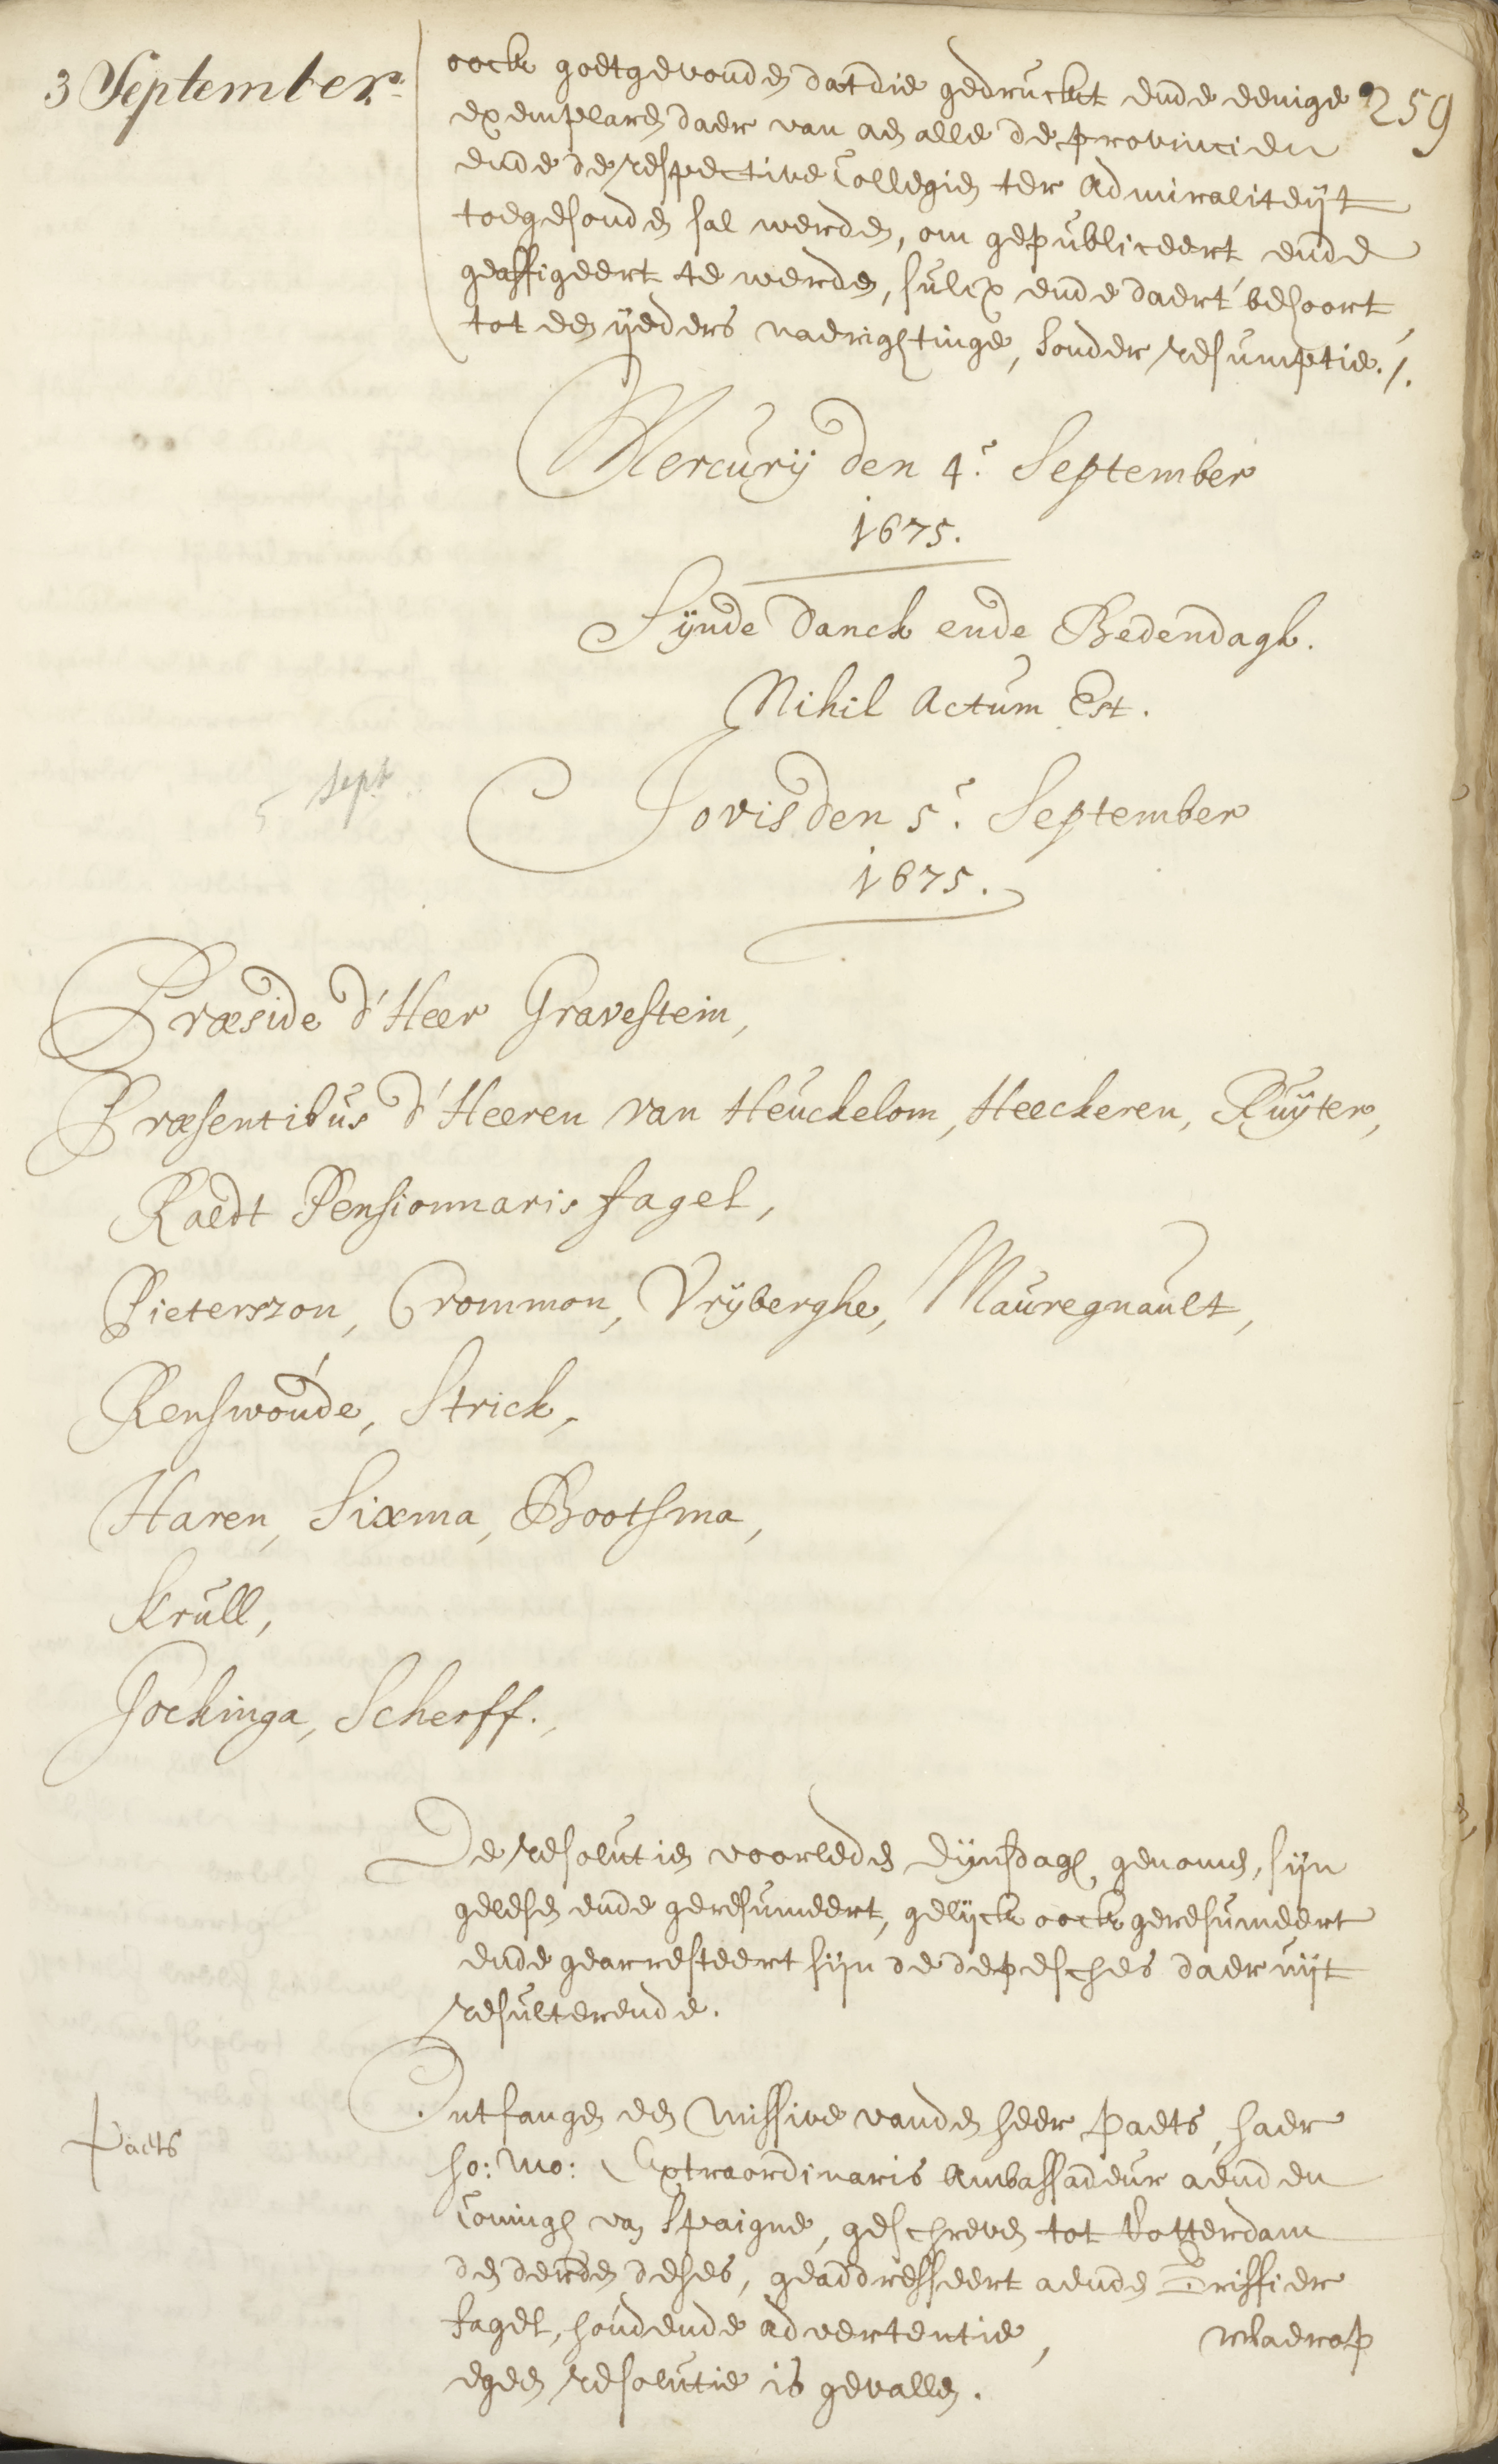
259
3 September.
oock goetgevonden dat die gedruckt ende eenige
exemplaren daer van aen alle de provincien
ende de respective Collegien ter Admiraliteijt
toegesonden sal werden, om gepubliceert ende
geaffigeert te werden, sulcx ende daert' behoort,
tot een ijeders naerightinge, sonder resumptie./.
Mercurij den 4en. September
1675.
Sijnde Danck ende Bedendagh.
Nihil Actum Est.
5 Sept.
Jovis den 5en. September
1675.
Præside d'Heer Gravestein,
Præsentibus d'Heeren van Heuckelom, Heeckeren, Ruijter,
Raedt Pensionnaris Fagel,
Pieterszon, Crommon, Vrijberghe, Mauregnault,
Renswoude, Strick,
Haren, Sixma, Bootsma,
Krull,
Gockinga, Scherff.
De resolutien voorleden Dijnsdagh genomen, sijn
gelesen ende geresumeert, gelijck oock geresumeert
ende gearresteert sijn de depesches daer uijt
resulterende.
Paets
Ontfangen een missive vanden heer Paets, haer
ho:Mo: Extraordinaris Ambassadeur aenden
Coningh van Spaigne, geschreven tot Rotterdam
den derden deses, geaddresseert aenden Griffier
fagel, houdende advertentie. Waerop
egeen resolutie is gevallen.
